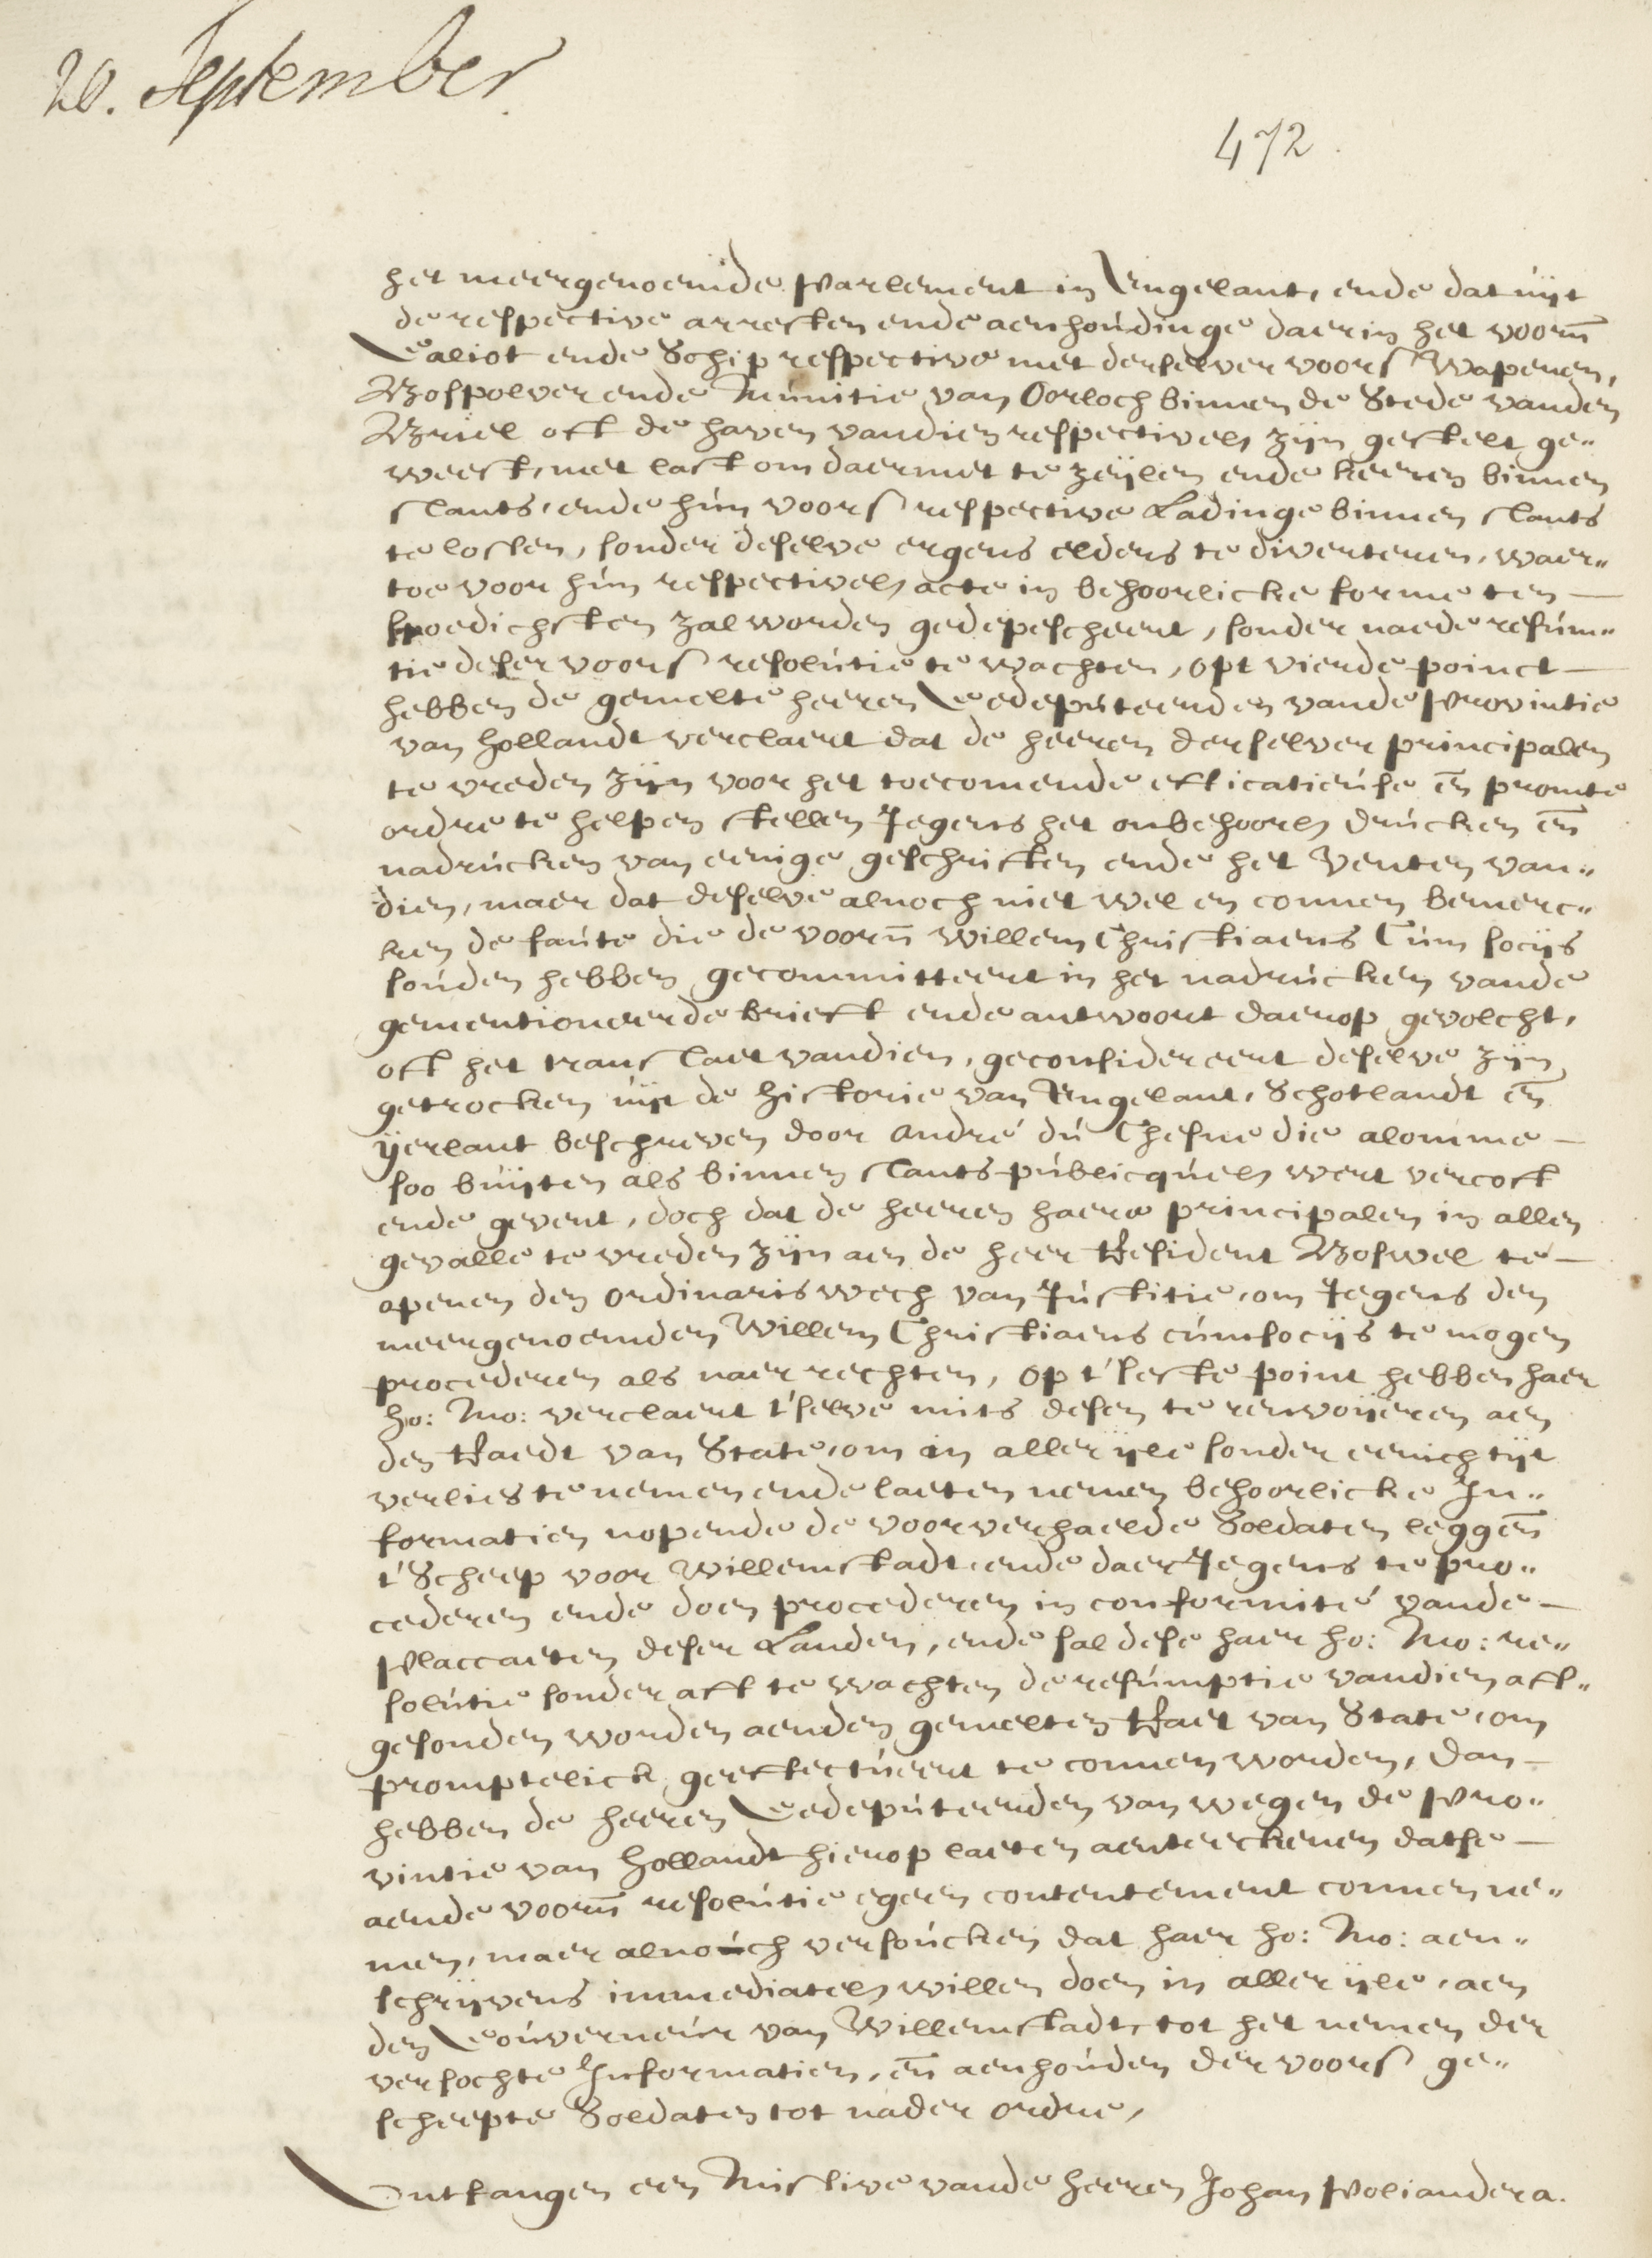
472
20. September.
het meergenoemde parlement in Engelant, ende dat uijt
de respective arresten ende aenhoudinge daerin het voorn
Galiot ende Schip respective met derselver voors Wapenen,
Bospolver ende Munitie van Oorloch binnen de Stede vanden
Briel off de haven vandien respectivel zijn gestelt ge,,
weest, met last om daermet te zeijlen ende keeren binnen
slants, ende hun voors respective Ladinge binnen slants
te lossen, sonder deselve ergens elders te diverteren, waer,,
toe voor hun respectivel acte in behoorlicke forme ten
spoedichsten zal worden gedepescheert, sonder naede resum,,
tie deser voors resolutie te wachten, opt vierde poinct
hebben de gemelte heeren Gedeputeerden vande Provintie
van hollandt verclaert dat de heeren derselver principalen
te vreden zijn voor het toecomende efficatieuse en promte
ordre te helpen stellen Jegens het onbehoorl drucken en
nadrucken van eenige geschriften ende het venten van,,
dien, maer dat deselve alnoch niet wel en connen bemerc,,
ken de faute die de voorn Willem Christiaens Cum socijs
souden hebben gecommitteert in het nadrucken vande
gementioneerde brieff ende antwoort daerop gevolcht,
off het translaet vandien, geconsidereert deselve zijn
getrocken uijt de historie van Engelant, Schotlandt en
ijerlant beschreven door andré du Chesne die alomme
soo buijten als binnen slants publicquel wert vercoft
ende gevent, doch dat de heeren haere principalen in allen
gevalle te vreden zijn aen de heer Resident Boswel te
openen den ordinaris wech van Justitie, om Jegens den
meergenoemden Willem Christiaens cum socijs te mogen
procederen als naer rechten, op t' seste point hebben haer
ho:mo: verclaert t'selve mits desen te renvoijeren aen
den Raedt van State, om in aller ijle sonder eenich tijt
verlies te nemen ende laeten nemen behoorlicke In,,
formatien nopende de voorverhaelde Soldaten leggen
t' Scheep voor willemstadt, ende daer Jegens te pro,,
cederen ende doen procederen in conformité vande
Placcaeten deser Landen, ende sal dese haer ho:Mo: re,,
solutie sonder aff te wachten de resumptie vandien aff,,
gesonden worden aenden gemelten Raet van State, om
promptelick geeffectueert te connen worden. Dan
hebben de heeren Gedeputeerden van wegen de Pro,,
vintie van hollandt hierop laeten aenteeckenen datse
aende voorn resolutie egeen contentement connen ne,,
men, maer alnoch versoucken dat haer ho:Mo: aen,,
schrijvens immediatel willen doen in aller ijle, aen
den Gouverneur van Willemstadt, tot het nemen der
versochte Informatien, en aenhouden der voors ge,,
scheepte Soldaten tot nader ordre.
Ontfangen een missive vande heeren Johan Poliandera.
